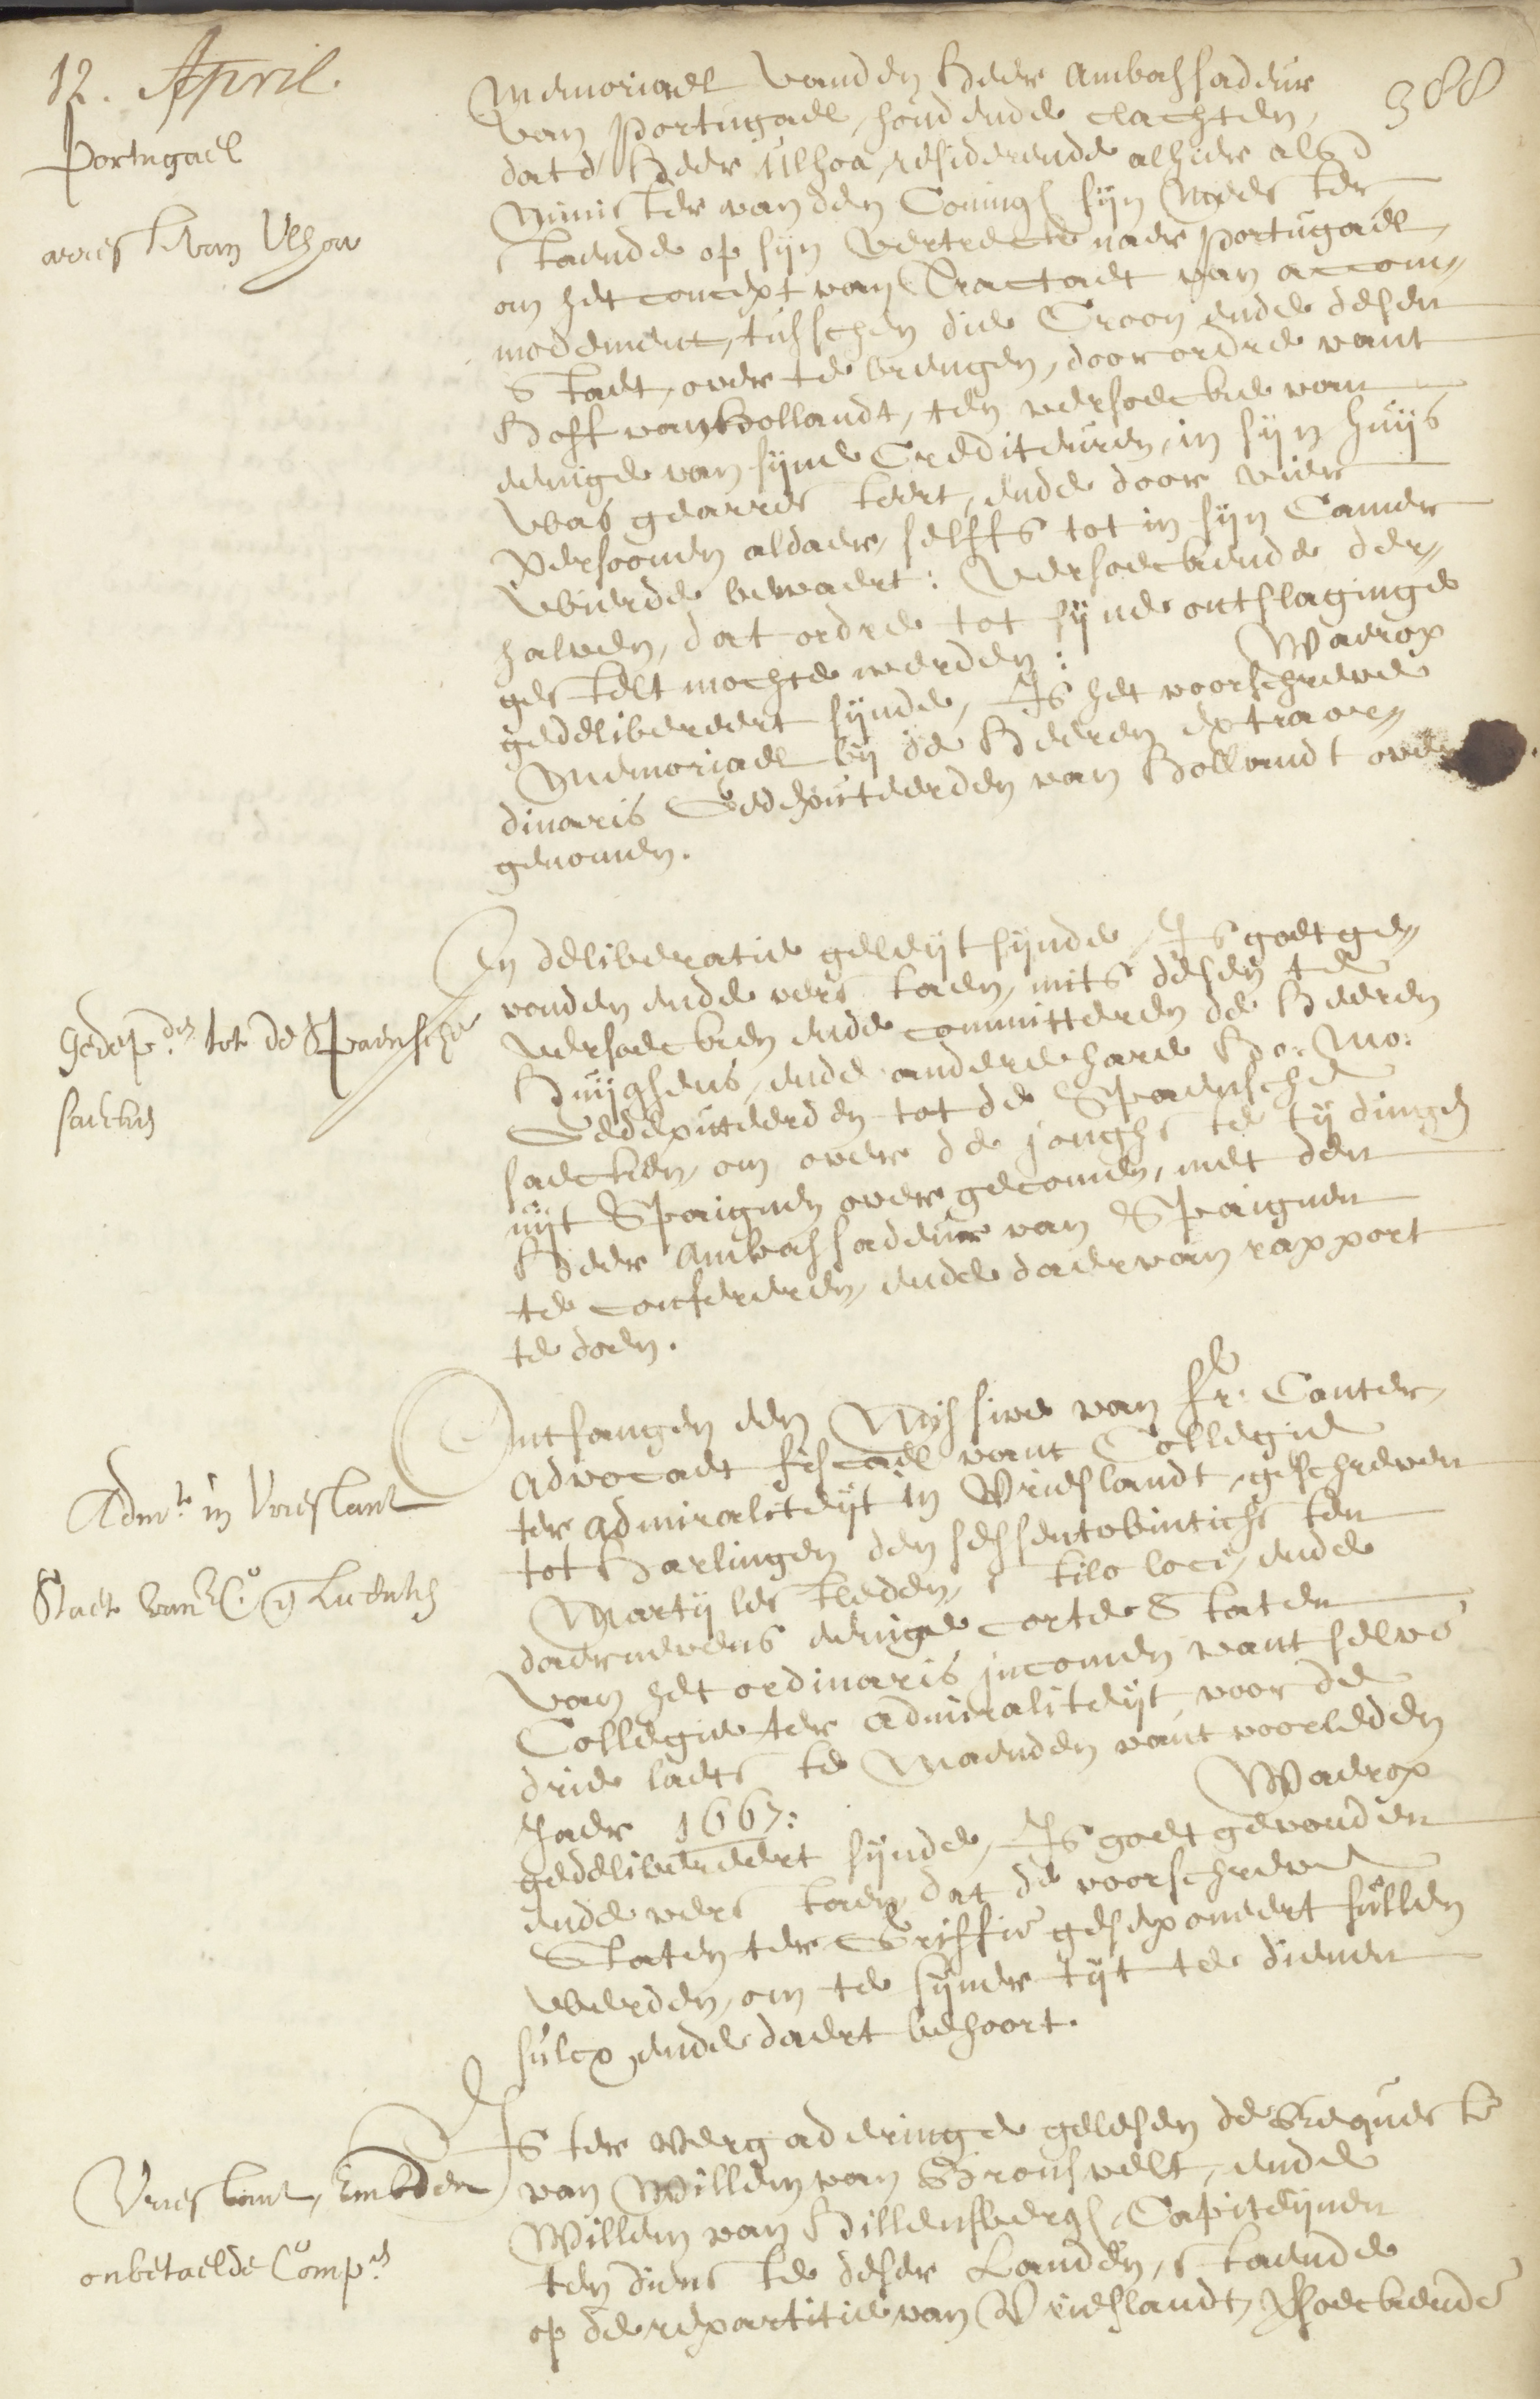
388
12. April.
Portugael
arreste van Ulhoa
memoriael vanden Heer Ambassadeur
van Portugael, houdende clachten,
dat d'Heer Ulhoa residerende alhier als
minister van den Coningh sijn meester
staende op sijn vertreck naer Portugael
om het concept van Tractaet van accom„
modement, tusschen die Croon ende desen
Staet, over te brengen, door ordre vant
Hoff van Hollandt, ten versoecke van
eenige van sijne Crediteuren, in sijn huijs
was gearresteert, ende door vier
persoonen aldaer, selffs tot in sijn Camer
wierde bewaert: versoeckende der„
halven, dat ordre tot sijne ontslaginge
gestelt mochte werden: Waerop
gedelibereert sijnde, Is het voorschreve
memoriael bij de Heeren Extraor„
dinaris Gedeputeerden van Hollandt over
genomen.
Gedepden. tot de Spaensche
saecken
In deliberatie geleijt sijnde, Is goetge„
vonden ende verstaen, mits desen te
versoecken ende committeren de Heeren
Huijghens, ende andere hare Ho:Mo:
Gedeputeerden tot de Spaensche
saecken, om over de jonghste tijdingen
uijt Spaignen over gecomen, met den
Heer Ambassadeur van Spaignen
te confereren, ende daervan rapport
te doen.
Admt. in Vrieslant
Staet van C. & Licenten
Ontfangen een Missive van Fr. Canter,
Advocaet fiscael vant Collegie
ter Admiraliteijt in Vrieslandt, geschreven
tot Harlingen den sessentwintichsten
Martij lestleden, stilo loci, ende
daernevens eenige corte Staten
van het ordinaris incomen vant selve
Collegie ter Admiraliteijt voor de
drie laetste maenden vant voorleden
Jaer 1667: Waerop
gedelibereert sijnde, Is goetgevonden
ende verstaen, dat de voorschreve
Staten ter Griffie geseponeert sullen
werden, om te sijner tijt te dienen
sulcx ende daert behoort.
Vrieslant, Embden
onbetaelde Compen.
Is ter Vergaderinge gelesen de Requeste
van Willem van Bronsvelt, ende
Willem van Hillensbergh, Capiteijnen
ten dienste deser Landen, staende
op de repartitie van Vrieslandt, vsoeckende
